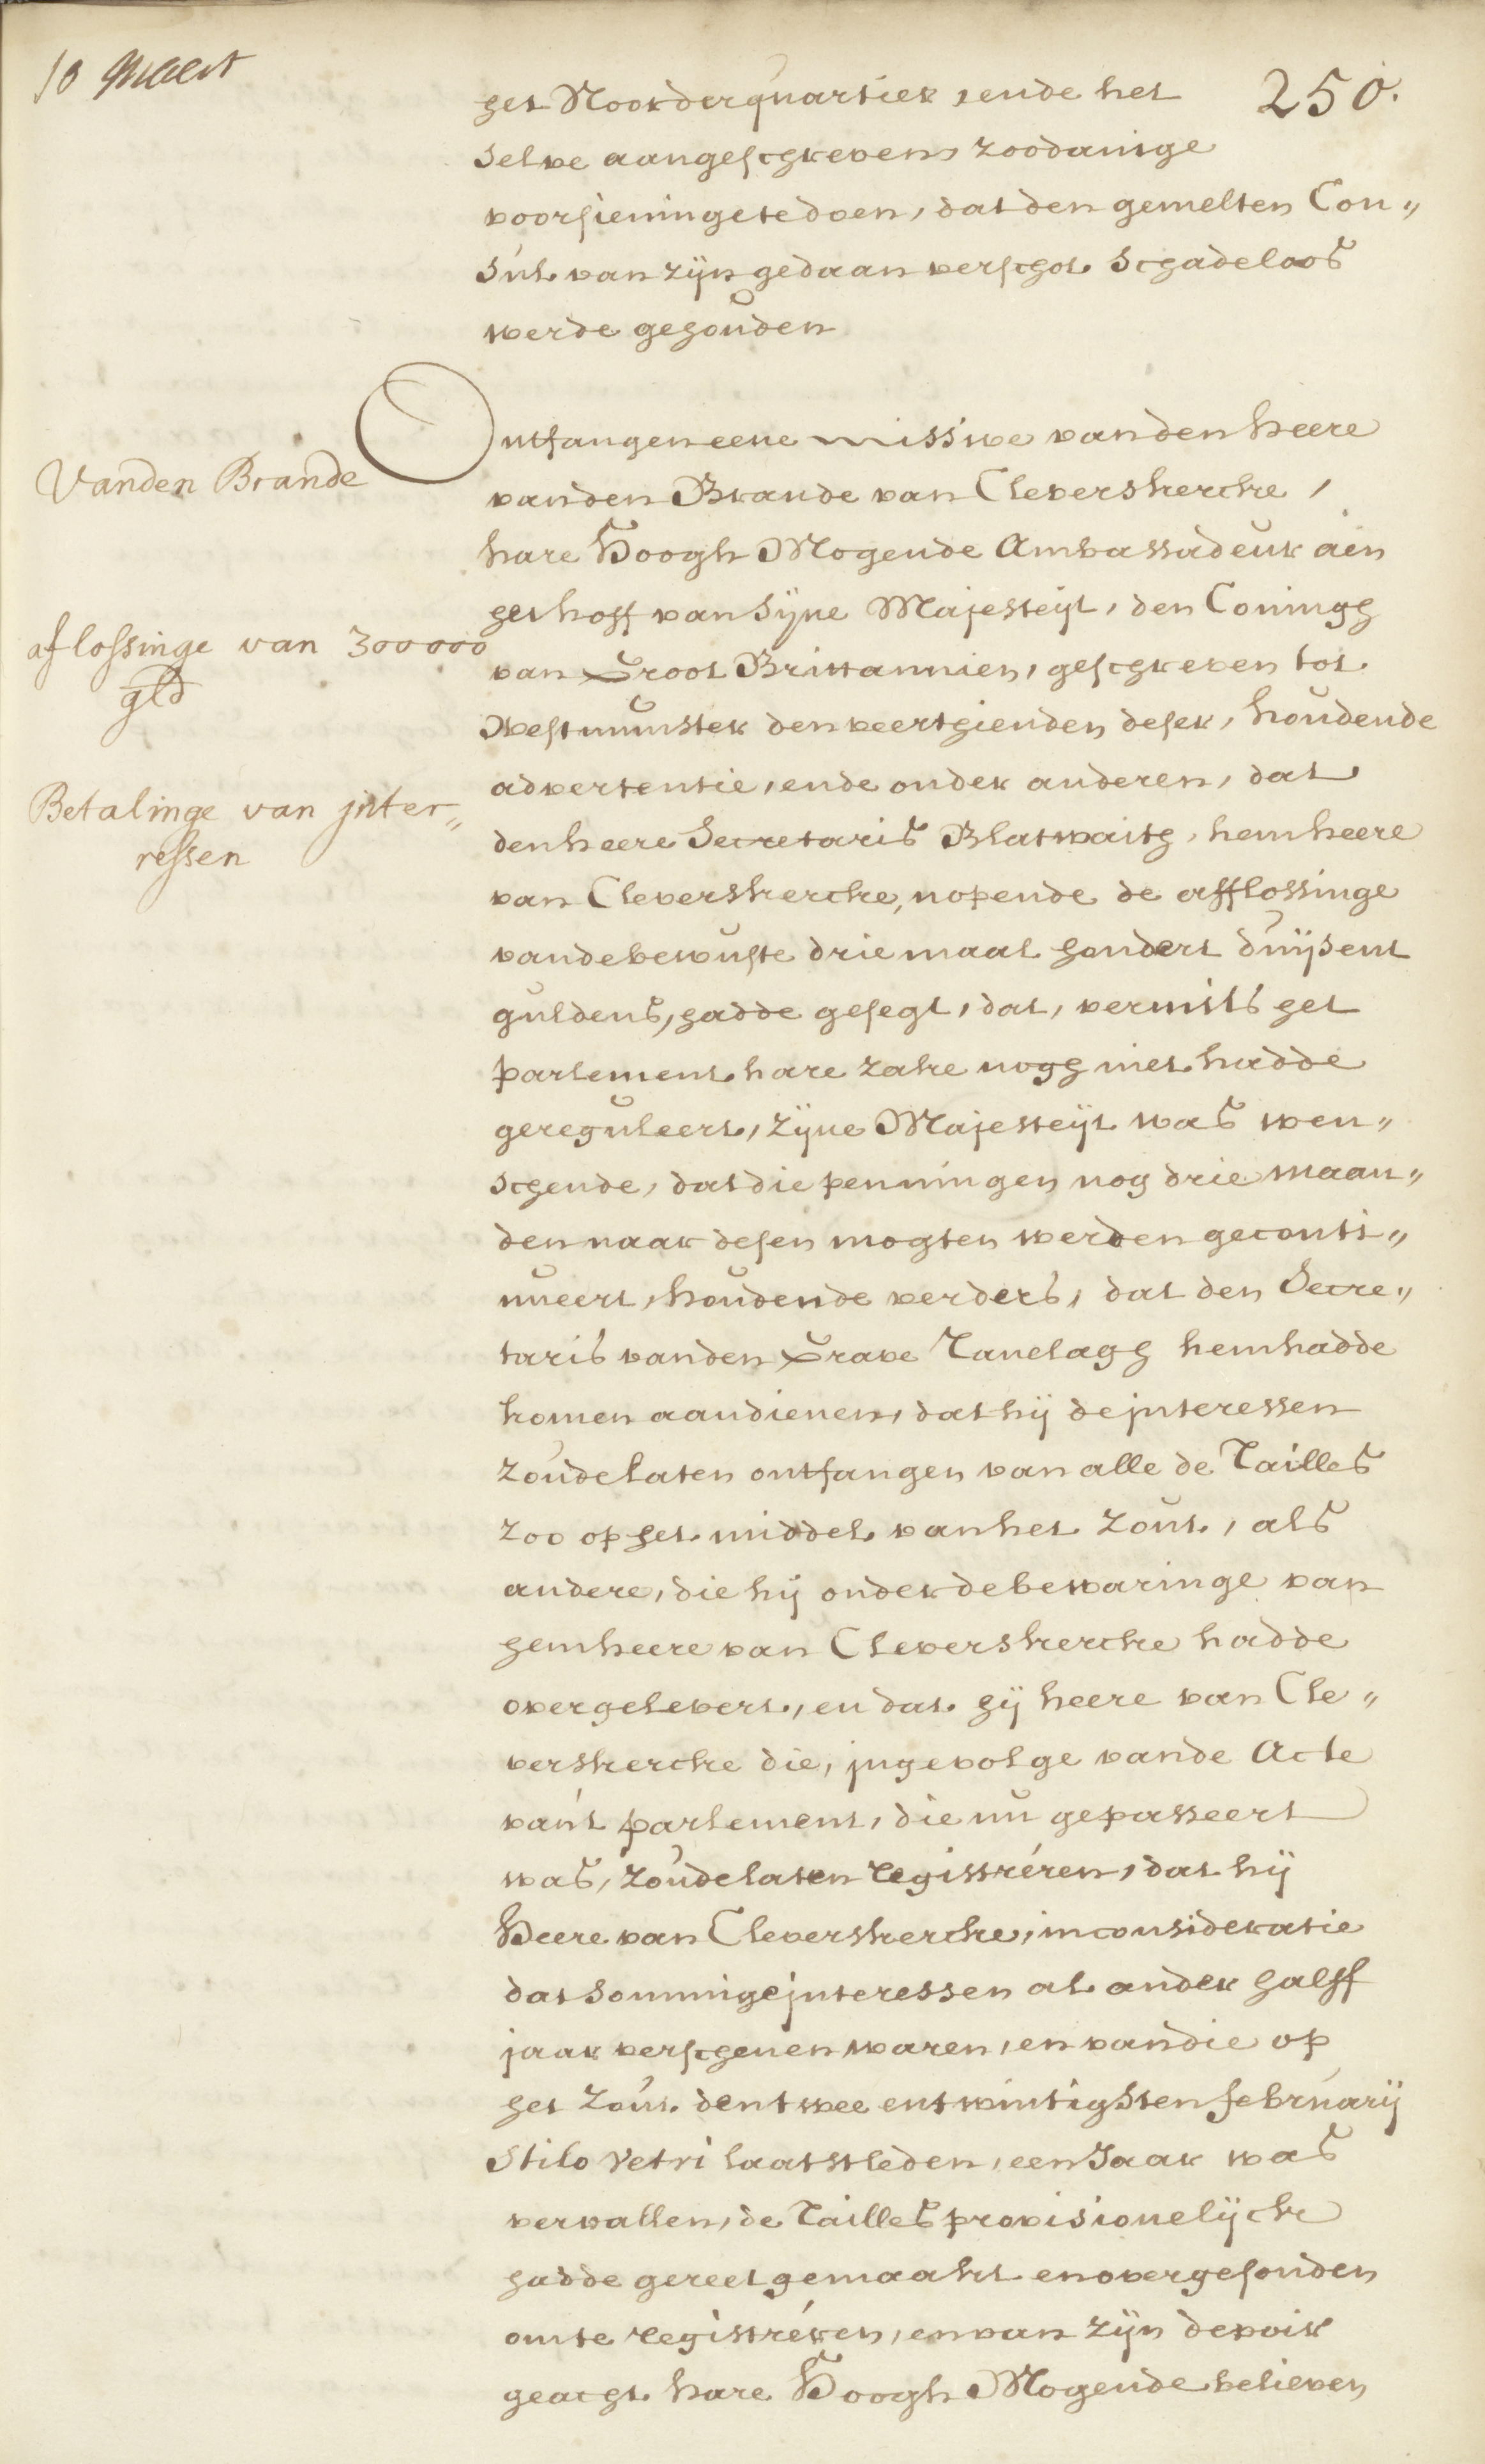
250.
10 Maert
het Noorderquartier, ende het
selve aangeschreven zoodanige
voorsieninge te doen, dat den gemelten Con„
sul van zijn gedaan verschot schadeloos
werde gehouden:
Vanden Brande
aflossinge van 300000
gld
Betalinge van Inter„
ressen
Ontfangen eene missive van den heere
vanden Brande van Cleverskercke,
hare Hoogh Mogende Ambassadeur aen
het hoff van sijne Majesteijt, den Coningh
van Groot Brittannien, geschreven tot
westmunster den veerthienden deser, houdende
advertentie, ende onder anderen, dat
den heere secretaris Blatwaith, hem heere
van Cleverskercke, nopende de afflossinge
vande bewuste drie maal hondert duijsent
guldens, hadde gesegt, dat, vermits het
parlement hare zake nogh niet hadde
gereguleert, zijne Majesteijt was wen„
schende, dat die penningen nog drie maan„
den naar desen mogten werden geconti„
nueert, houdende verders, dat den Secre„
taris vanden Grave Ranelagh hem hadde
komen aandienen, dat hij de interessen
zoude laten ontfangen van alle de Tailles
zoo op het middel van het zout, als
andere, die hij onder de bewaringe van
hem heere van Cleverskercke hadde
overgelevert, en dat hij heere van Cle„
verskercke die, ingevolge vande Acte
van 't parlement, die nu gepasseert
was, zoude laten registreren, dat hij
Heere van Cleverskercke, in consideratie
dat sommige interessen al ander halff
jaar verschenen waren, en vandie op
het zout den tweeentwintigsten februarij
stilo vetri laatstleden, een jaar was
vervallen, de Tailles provisionelijck
hadde gereet gemaakt en overgesonden
om te registreren, en van zijn devoir
geacht hare Hoogh Mogende believen
